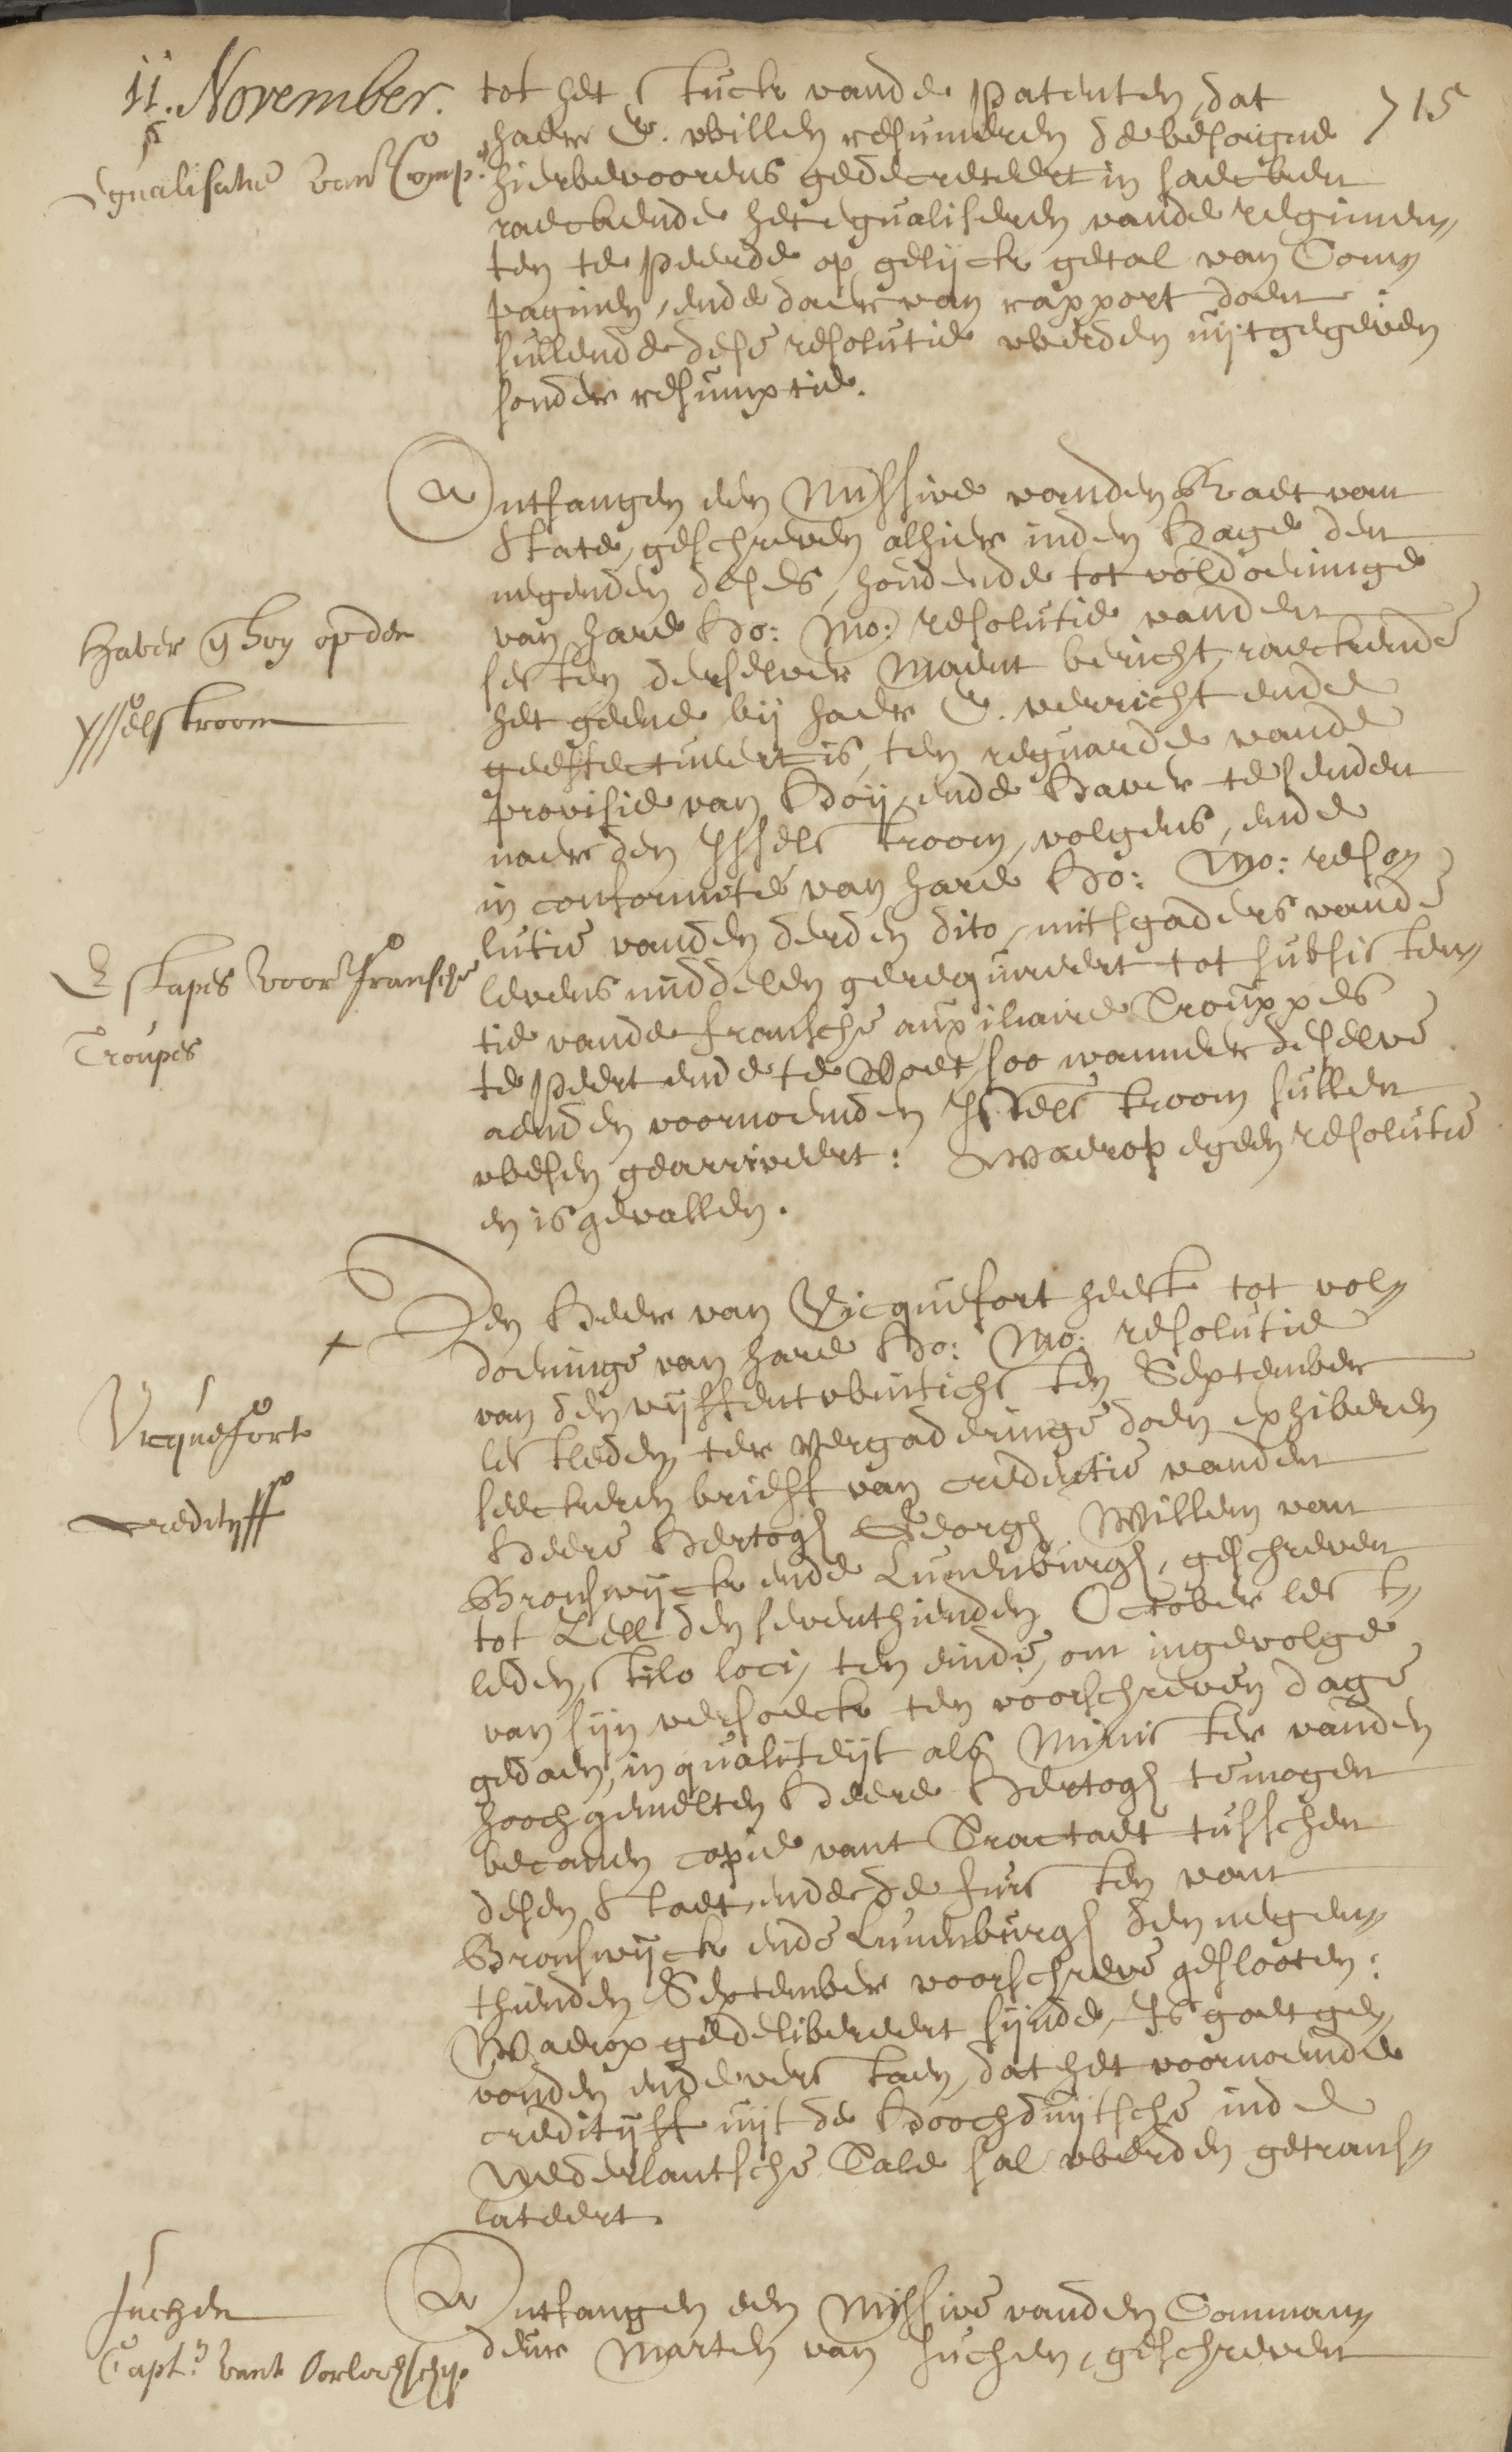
715
11. November.
Egualisatie van Compen.
tot het stuck vande patenten, dat
haer E. willen resumeren de besogne
hierbevoorens gedecreteert in saecken
raeckende het egualiseren vande regimen„
ten te peerde op gelijck getal van Com„
pagnien, ende daervan rapport doen
sullende dese resolutie werden uijtgegeven
sonder resumptie.
haver & hoy opden
ysselstroom
Estapes voors fransche
Troupes
Ontfangen een missive vanden Raet van
State, geschreven alhier inden Hage den
negenden deses, houdende tot voldoeninge
van hare Ho:Mo: resolutie vanden
sesten derselver maent bericht raeckende
het geene bij haer E. verricht ende
geeffectueert is ten reguarde vande
provisie van Hoij, ende Haver te senden
naer den Isselstroom, volgens, ende
in conformité van hare Ho:Mo: reso,,
lutie vanden derden dito, mitsgaders vande
levensmiddelen gerequireert tot subsisten„
tie vande fransche auxliaire Trouppes
te peert ende te Voet, soo wanneer deselve
aenden voornoemden Isselstroom sullen
wesen gearriveert: Waerop egeen resolutie
en is gevallen.
Vicquefort
credityff
Den Heer van Vicquefort heeft tot vol„
doeninge van hare Ho:Mo: resolutie
van den vijffentwintichsten September
lestleden, ter vergaderinge doen exhiberen
seeckeren brieff van credentie vanden
Heere Hertogh Georgh Willem van
Bronswijck ende Lunenburgh, geschreven
tot Zell den seventhienden October lest„
leden, stilo loci, ten einde, om ingevolge
van sijn versoeck ten voorschreven dage
gedaen, in qualiteijt als Minister vanden
hoochgemelten Heere Hertogh te mogen
becomen copie vant Tractaet tusschen
desen Staet, ende de fursten van
Bronswijck ende Lunenburgh den negen„,
thienden September voorschreve geslooten:
Waerop gedelibereert sijnde, Is goetge„
vonden ende verstaen, dat het voornoemde
creditijff uijt de Hoochduijtsche inde
Nederlantsche Tale sal werden getrans„
lateert.
Juchen
Captn. vant Oorlochschip
Ontfangen een missive vanden comman,,
deur Marten van Juchen, geschreven
